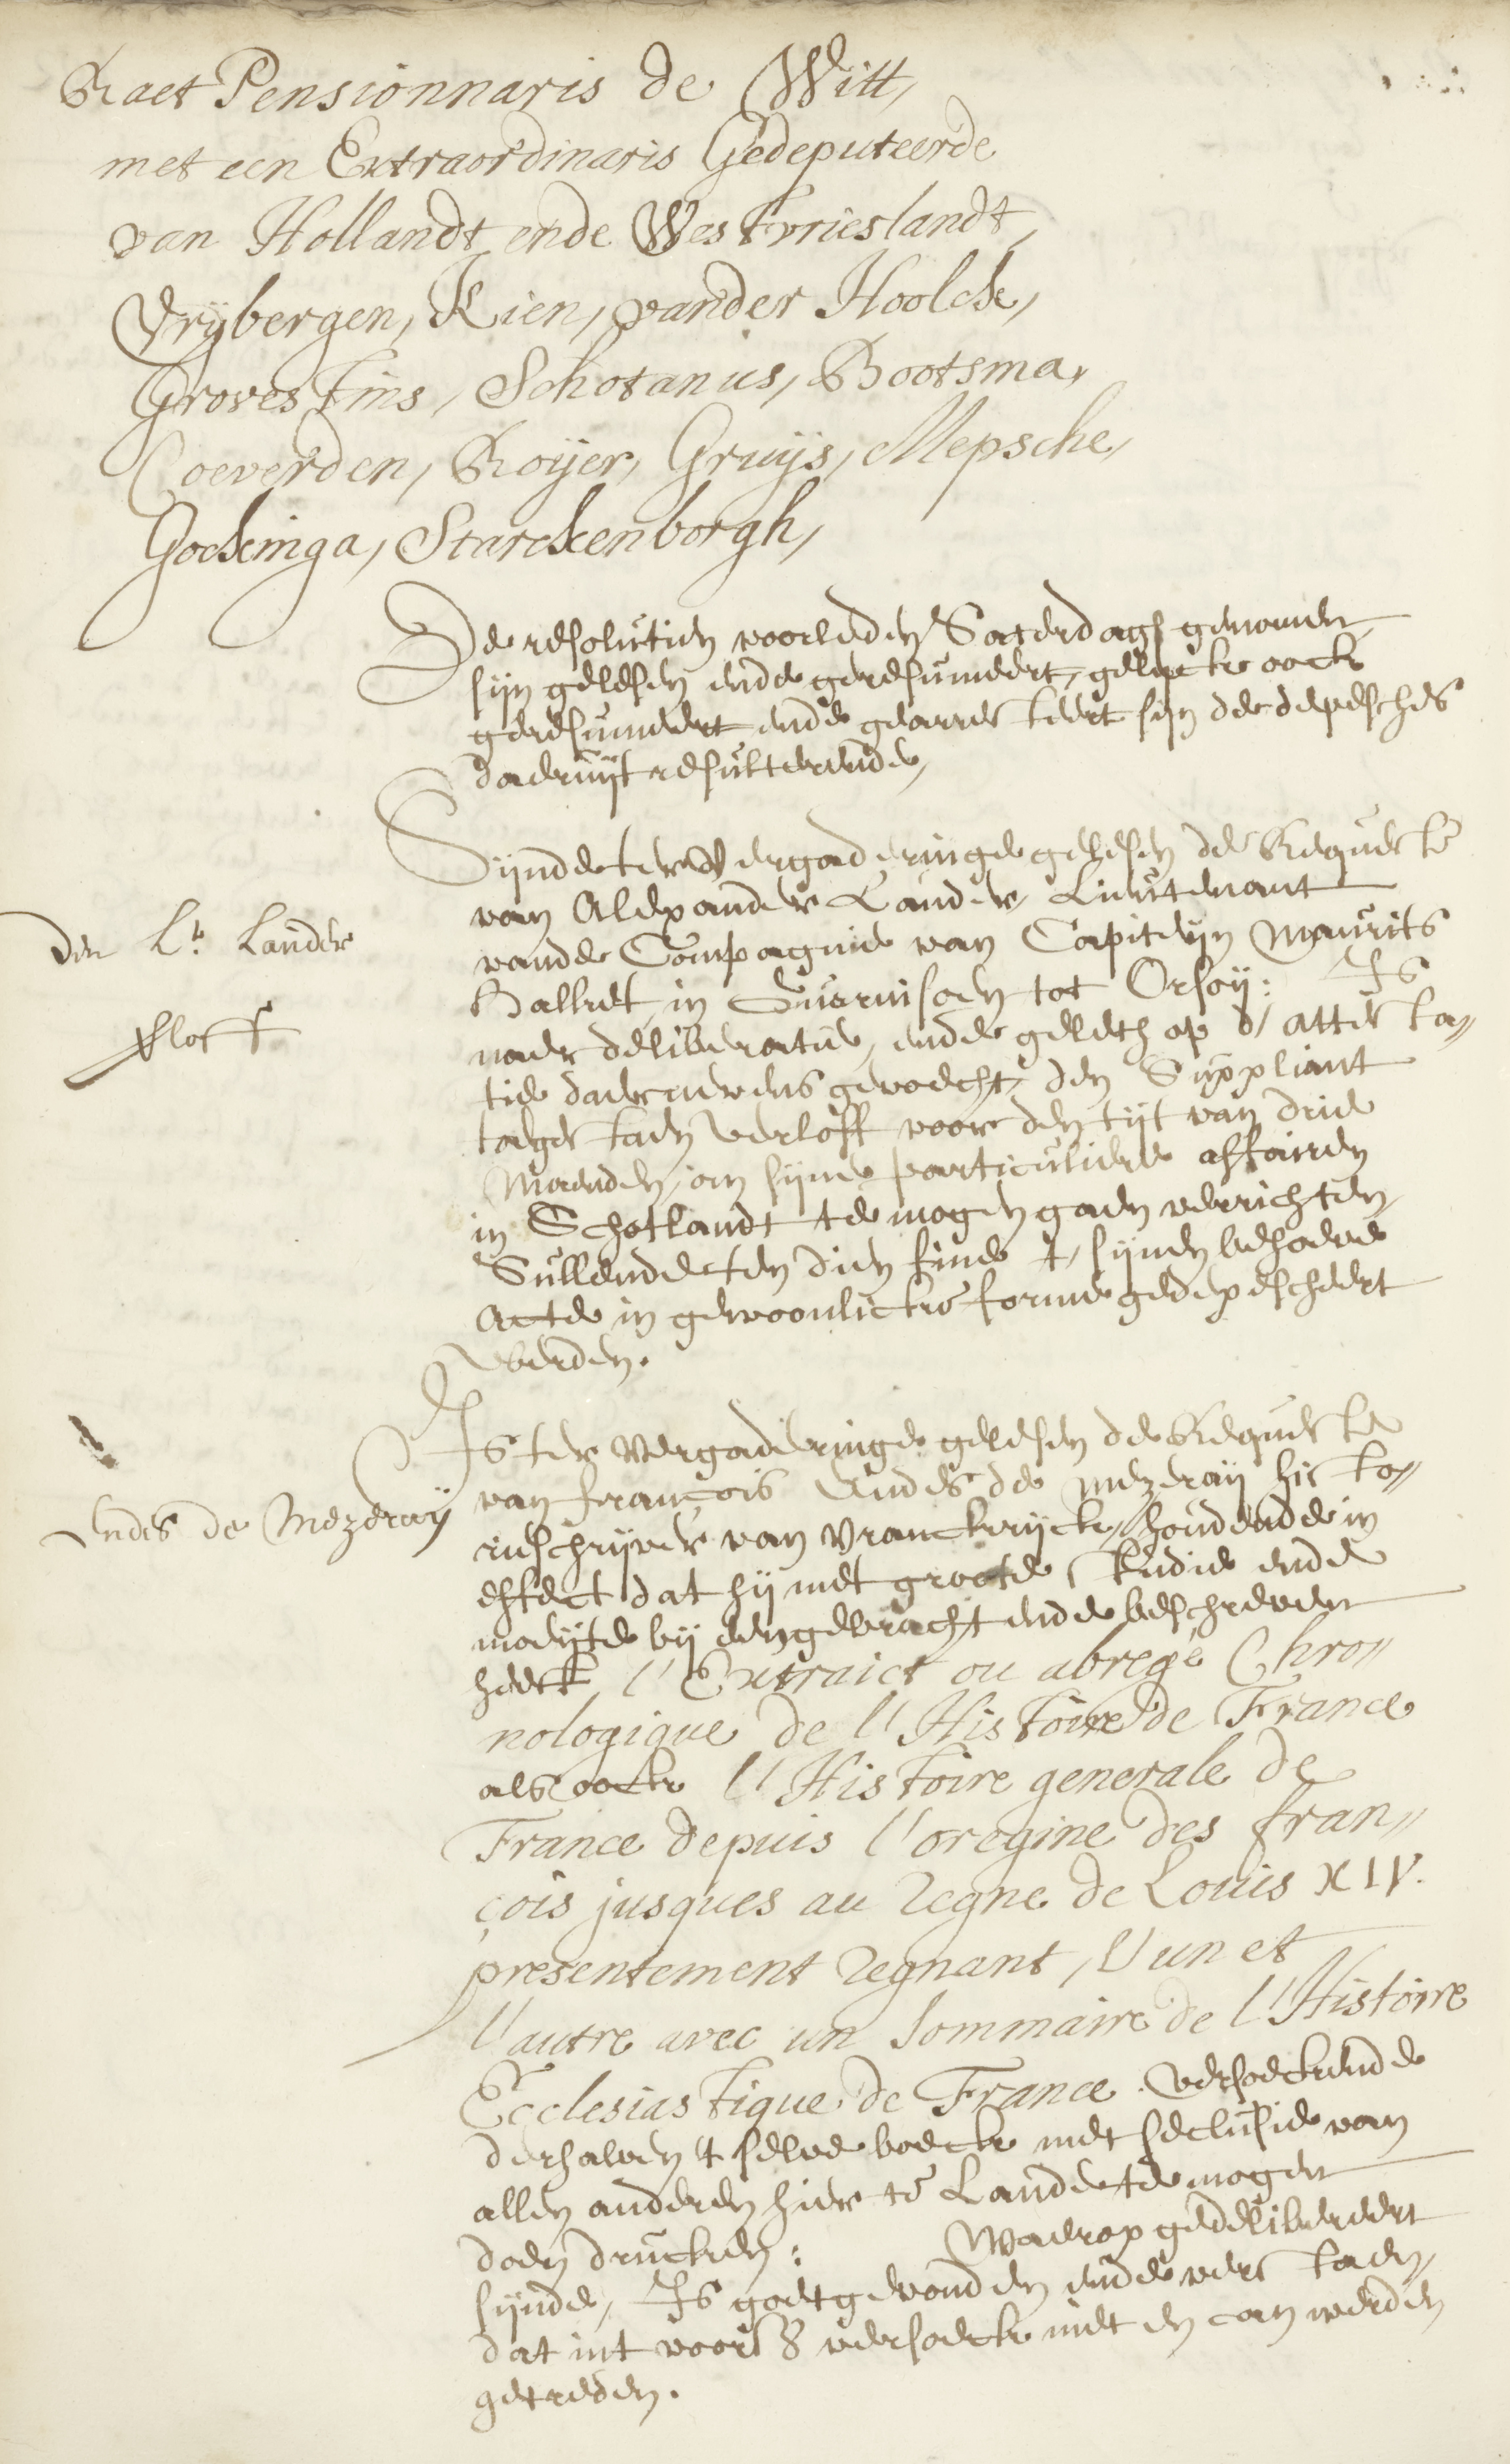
Raet Pensionnaris de Witt,
met een Extraordinaris Gedeputeerde
van Hollandt ende Westvrieslandt,
Vrijbergen, Kien, vander Hoolck,
Grovestins, Schotanus, Bootsma,
Coeverden, Roijer, Gruijs, Mepsche,
Gockinga, Starckenborgh,
De resolutien voorleden Saterdagh genomen
sijn gelesen ende geresumeert, gelijck oock
geresumeert ende gearresteert sijn de depesches
daeruijt resulterende.
den Lt. Lander
Vloff
Sijnde ter Vergaderinge gelesen de Requeste
van Alexander Lander, Lieutenant
vande Compagnie van Capiteijn Maurits
Halket in Guarnisoen tot Orsoij: Is
naer deliberatie, ende geleth op d'attesta„
tie daernevens gevoecht, den Suppliant
toegestaen verloff voor den tijt van drie
Maenden, om sijne particuliere affairen
in Schotlandt te mogen gaen verrichten,
Sullende ten dien fine t‛ sijnen behoeve
Acte in gewoonlicke forme gedepescheert
werden.
Eudes de Mezeraij
Is ter Vergaderinge gelesen de Requeste
van François Eudes de mezeraij histo„
rieschrijver van Vranckrijck, houdende in
effect dat hij met groote studie ende
moeijte bij eengebracht ende beschreven
heeft l'Extraict ou abregé Chro„
nologique de l'Histoire de France
als oock l‛Histoire generale de
France depuis l‛oregine des fran„
çois jusques au regne de Louis XIV.
presentement regnant, l‛un et
l‛autre avec un Sommaire de l‛Histoire
Ecclesiastique de France, versoeckende
derhalven 't selve boeck met seclusie van
allen anderen hier te Lande te mogen
doen drucken: Waerop gedelibereert
sijnde, Is goetgevonden ende verstaen,
dat int voors versoeck niet en can werden
getreden.
